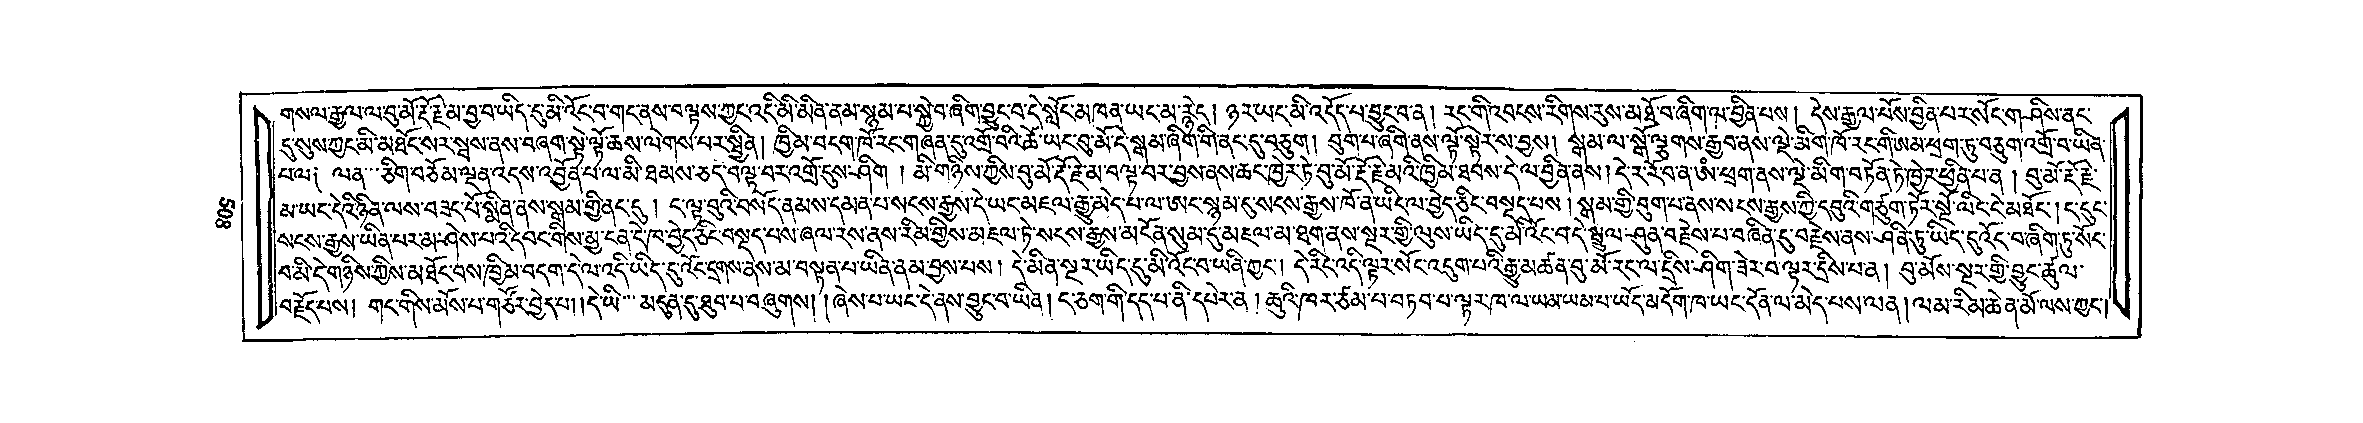གསལ་རྒྱལ་ལ་བུ་མོ་རྡོ་རྗེ་མ་བྱ་བ་ཡིད་དུ་མི་འོང་བ་གང་ནས་བལྟས་ཀྱང་འདི་མི་མིན་ནམ་སྙམ་པ་སྐྱེ་བ་ཞིག་བྱུང་བ་དེ་སློང་མཁན་ཡང་མ་རྙེད། ཉར་ཡང་མི་འདོད་པ་བྱུང་བ་ན། རང་གི་འབངས་རིགས་རུས་མཐོ་བ་ཞིག་ལ་བྱིན་པས། དེས་རྒྱལ་པོས་བྱིན་པར་སོང་གཤིས་ནང་
དུ་སུས་ཀྱང་མི་མཐོང་སར་སྦས་ནས་བཞག་སྟེ་ལྟོ་ཆས་ལེགས་པར་སྦྱིན། ཁྱིམ་བདག་ཁོ་རང་གཞན་དུ་འགྲོ་བའི་ཚེ་ཡང་བུ་མོ་དེ་སྒམ་ཞིག་གི་ནང་དུ་བཅུག །བུག་པ་ཞིག་ནས་ལྟོ་སྟེར་ས་བྱས། སྒམ་ལ་སྒོ་ལྕགས་རྒྱབ་ནས་ལྡེ་མིག་ཁོ་རང་གི་ཨམ་ཕྲག་ཏུ་བཅུག་འགྲོ་བ་ཡིན་
པ་ལ། ལན་ཅིག་བཅོམ་ལྡན་འདས་འབྱོན་པ་ལ་མི་ཐམས་ཅད་བལྟ་བར་འགྲོ་དུས་ཤིག །མི་གཉིས་ཀྱིས་བུ་མོ་རྡོ་རྗེ་མ་བལྟ་བར་བྱས་ནས་ཆང་ཁྱེར་ཏེ་བུ་མོ་རྡོ་རྗེ་མའི་ཁྱིམ་ཐབས་དེ་ལ་བྱིན་ནས། དེ་ར་རོ་བ་ན་ཨཾ་ཕྲག་ནས་ལྡེ་མིག་བཏོན་ཏེ་ཁྱེར་ཕྱིན་པ་ན། བུ་མོ་རྡོ་རྗེ་
མ་ཡང་དེའི་ཉིན་ལས་བཟང་པོ་སྨིན་ནས་སྒམ་གྱི་ནང་དུ། ད་ལྟ་བུའི་བསོད་ནམས་དམན་པ་སངས་རྒྱས་དེ་ཡང་མཇལ་རྒྱུ་མེད་པ་ལ་ཨང་སྙམ་དུ་སངས་རྒྱས་ཁོ་ན་ཡིད་ལ་བྱེད་ཅིང་བསྡད་པས། སྒམ་གྱི་བུག་པ་ནས་སངས་རྒྱས་ཀྱི་དབུའི་གཙུག་ཏོར་སྔོ་ལིང་ངེ་མཐོང་། ད་དུང་
སངས་རྒྱས་ཡིན་པར་མ་ཤེས་པའི་དབང་གིས་མྱ་ངན་དེ་ཁ་བྱེད་ཅིང་བསྡད་པས་ཞལ་རས་ནས་རིམ་གྱིས་མཇལ་ཏེ་སངས་རྒྱས་མངོན་སུམ་དུ་མཇལ་མ་ཐག་ནས་སྔར་གྱི་ལུས་ཡིད་དུ་མི་འོང་བ་དེ་སྦྲུལ་ཤུན་བརྗེས་པ་བཞིན་དུ་བརྗེས་ནས་ཤིན་ཏུ་ཡིད་དུ་འོང་བ་ཞིག་ཏུ་སོང་
བ་མི་དེ་གཉིས་ཀྱིས་མཐོང་བས་ཁྱིམ་བདག་དེ་ལ་འདི་ཡིད་དུ་འོང་དྲགས་ནས་མ་བསྟན་པ་ཡིན་ནམ་བྱས་པས། དེ་མིན་སྔར་ཡིད་དུ་མི་འོང་བ་ཡིན་ཀྱང་། དེ་རིང་འདི་ལྟར་སོང་འདུག་པའི་རྒྱུ་མཚན་བུ་མོ་རང་ལ་དྲིས་ཤིག་ཟེར་བ་ལྟར་དྲིས་པ་ན། བུ་མོས་སྔར་གྱི་བྱུང་ཚུལ་
བརྗོད་པས། གང་གིས་མོས་པ་གཙོར་བྱེད་པ། །དེ་ཡི་མདུན་དུ་ཐུབ་པ་བཞུགས། །ཞེས་པ་ཡང་དེ་ནས་བྱུང་བ་ཡིན། ད་ཅག་གི་དད་པ་ནི་དཔེར་ན། ཆུའི་ཁར་ཙམ་པ་བཏབ་པ་ལྟར་ཁ་ལ་ཡམ་ཡམ་པ་ཡོད་མདོག་ཁ་ཡང་དོན་ལ་མེད་པས་ལན། ལམ་རིམ་ཆེན་མོ་ལས་ཀྱང་།